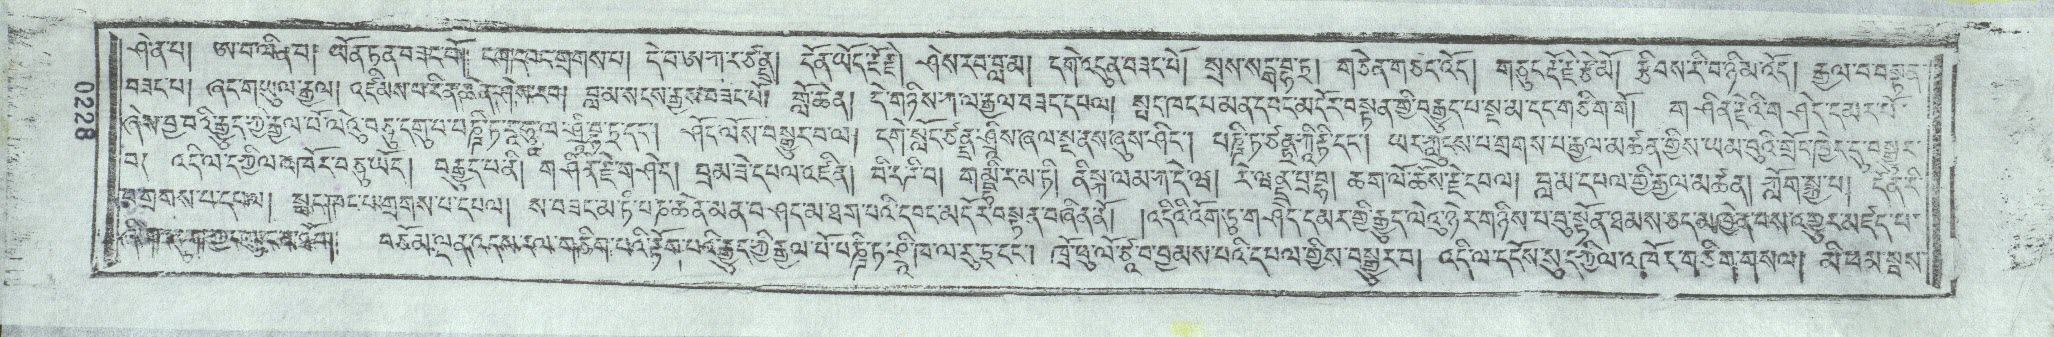ཤེ་ན་པ། ཨ་བ་ལིན་པ། ཡོན་ཏན་བཟང་པོ། ངག་དབང་གྲགས་པ། དེ་བ་ཨ་ཀ་ར་ཙནྡྲ། དོན་ཡོད་རྡོ་རྗེ། ཤེས་རབ་བླ་མ། དགེ་འདུན་བཟང་པོ། སྲས་སངྒ་བྷ་ཏྲ། གཅེན་གཅེད་འོད། གཅུང་རྡོ་རྗེ་རྩེ་མོ། རྩིབས་རི་བ་ཉི་མ་འོད། རྒྱལ་བ་བསྟན་
བཟང་པ། ཞང་གཡུལ་རྒྱལ། འཛིམས་པ་རིན་ཆེན་ཤེས་རབ། བླ་མ་སངས་རྒྱས་བཟང་པོ། གློ་ཆེན། དེ་གཉིས་ཀ་ལ་རྒྱལ་བཟང་དཔལ། སྤང་ཁང་པ་མན་དབང་མདོར་བསྟན་གྱི་བརྒྱུད་པ་སྔ་མ་དང་གཅིག་གོ། གཤིན་རྗེའི་གཤེད་དམར་པོ་
ཞེས་བྱ་བའི་རྒྱུད་ཀྱི་རྒྱལ་པོ་ལེའུ་བཅུ་དགུ་པ་པཎྜི་ཏ་རཱ་ཧཱུ་ལ་ཤྲཱི་བྷ་ཏྲ་དང་། ཤོད་ལོས་བསྒྱུར་བ་ལ། དགེ་སློང་ཙནྡྲ་ཤྲཱིས་ཞལ་སྔ་ནས་ཞུས་ཤིང་། པཎྜི་ཏ་ཙནྡྲ་ཀཱི་རྟི་དང་། ཡར་ཀླུངས་པ་གྲགས་པ་རྒྱལ་མཚན་གྱིས་ཡུམ་བུའི་གྲོང་ཁྱེར་དུ་བསྒྱུར་
བ། འདི་ལ་དཀྱིལ་འཁོར་བཅུ་ཡོད། བརྒྱུད་པ་ནི། གཤིན་རྗེ་གཤེད། བྲམ་ཟེ་དཔལ་འཛིན། བི་ར་ཌི་བ། གམྦྷི་ར་མ་ཏི། ནི་སྐ་ལམ་ཀ་དེ་ཝ། རེ་ཝནྡྲ་པྲ་བྷ། ཆག་ལོ་ཆོས་རྗེ་དཔལ། བླ་མ་དཔལ་གྱི་རྒྱལ་མཚན། ཀློག་སྐྱ་པ། དོན་རི་
བ་གྲགས་པ་དཔལ། སྤང་ཁང་པ་གྲགས་པ་དཔལ། ས་བཟང་མ་ཏི་པཎ་ཆེན་མན་བཤད་མ་ཐག་པའི་དབང་མདོར་བསྟན་བཞིན་ནོ། །འདིའི་འོག་ཏུ་གཤེད་དམར་གྱི་རྒྱུད་ལེའུ་ཉེར་གཉིས་བ་བུ་སྟོན་ཐམས་ཅད་མཁྱེན་པས་འགྱུར་མཛད་པ་
ཞིག་འདུག་ཀྱང་ལུང་མ་ཐོབ། བཅོམ་ལྡན་འདས་རལ་གཅིག་པའི་རྟོག་པའི་རྒྱུད་ཀྱི་རྒྱལ་པོ་པཎྜི་ཏ་ཤྲཱི་ཁ་ལ་རུ་ཏྲ་དང་། ཁྲོ་ཕུ་ལོ་ཙཱ་བ་བྱམས་པའི་དཔལ་གྱིས་བསྒྱུར་བ། འདི་ལ་དངོས་སུ་དཀྱིལ་འཁོར་གཅིག་གསལ། མི་ཕམ་སྤས་